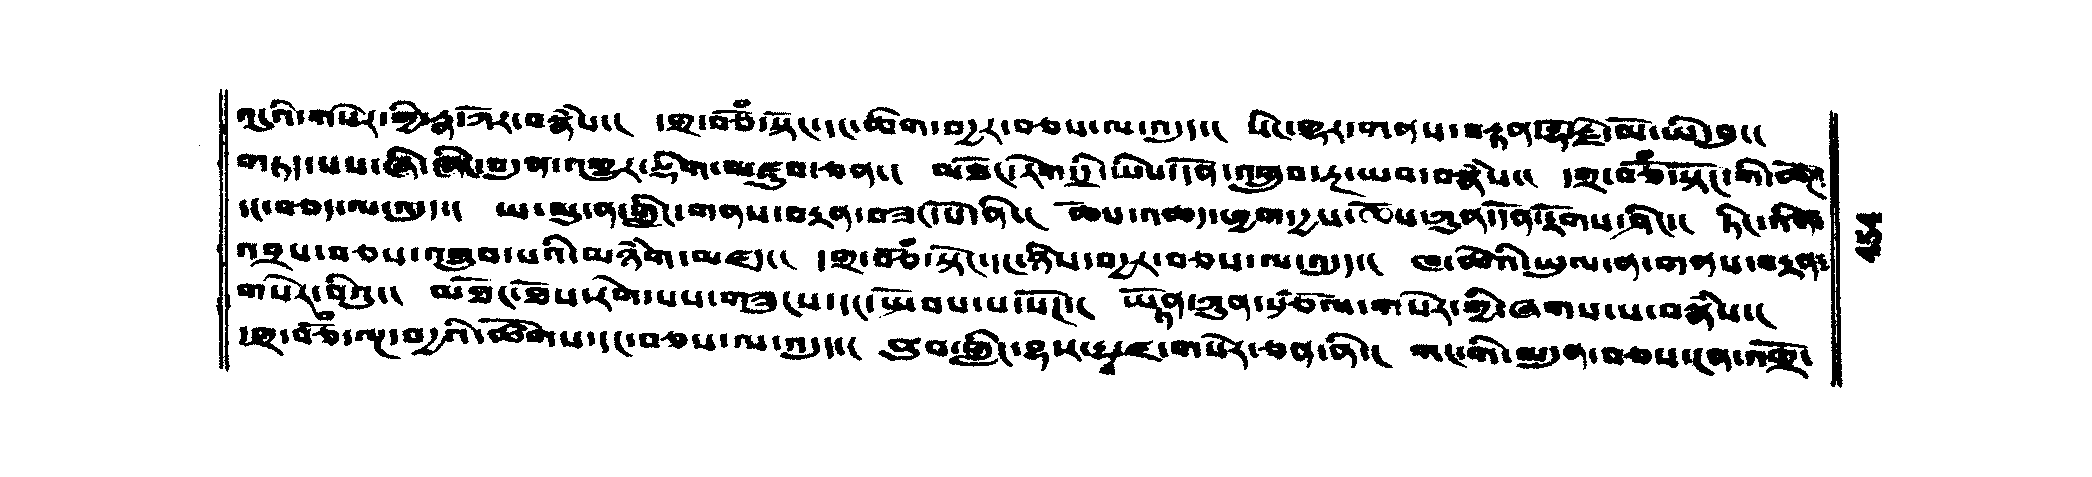འདུའི་གསེར་གྱི་རྣ་གོར་བསྣམས། །དགྲ་བཅོམ་སྟོང་དང་ཆིག་བརྒྱ་བཅས་ལ་འདུད། །སིང་གྷར་གནས་བརྟན་རྡོ་རྗེ་མོ་ཡི་བུ། །
གཏད་པས་ཞི་ཞིང་བདུན་འགྱུར་སྡིག་མཛུབ་ཅན། །མཐོང་རེག་དྲི་ཡིས་དོན་འགྲུབ་རྔ་ཡབ་བསྣམས། །དགྲ་བཅོམ་སྟོང་གི་ཚོགས་
དང་བཅས་ལ་འདུད། །ཡ་མུ་ན་གླིང་གནས་བརྟན་བཟང་པོ་ནི། །ཆོས་འཆད་ཕྱག་རྒྱས་ཆོས་ཀུན་དོན་རྟོགས་ཤིང་། །ཏིང་འཛིན་
འབྲས་ཅས་འགྲུབ་པའི་མཉམ་གཞག་མཛད། །དགྲ་བཅོམ་སྟོང་དང་ཉིས་བརྒྱ་བཅས་ལ་འདུད། །ཁ་ཆེའི་ཡུལ་ན་གནས་བརྟན་
གསེར་བེའུ། །མཐོང་ཐོས་རེག་པས་གཟུངས་དང་སྤོབས་པ་སོགས། །ཡོན་ཏན་ཀུན་སྩོལ་གསེར་གྱི་ཞགས་པ་བསྣམས། །
དགྲ་བཅོམ་ལྔ་བརྒྱའི་ཚོགས་དང་བཅས་ལ་འདུད། །ནུབ་གླིང་བྷ་ར་དྷྭ་ཛ་གསེར་ཅན་ནི། །གང་གི་མདུན་བཅས་ངན་འགྲོ་